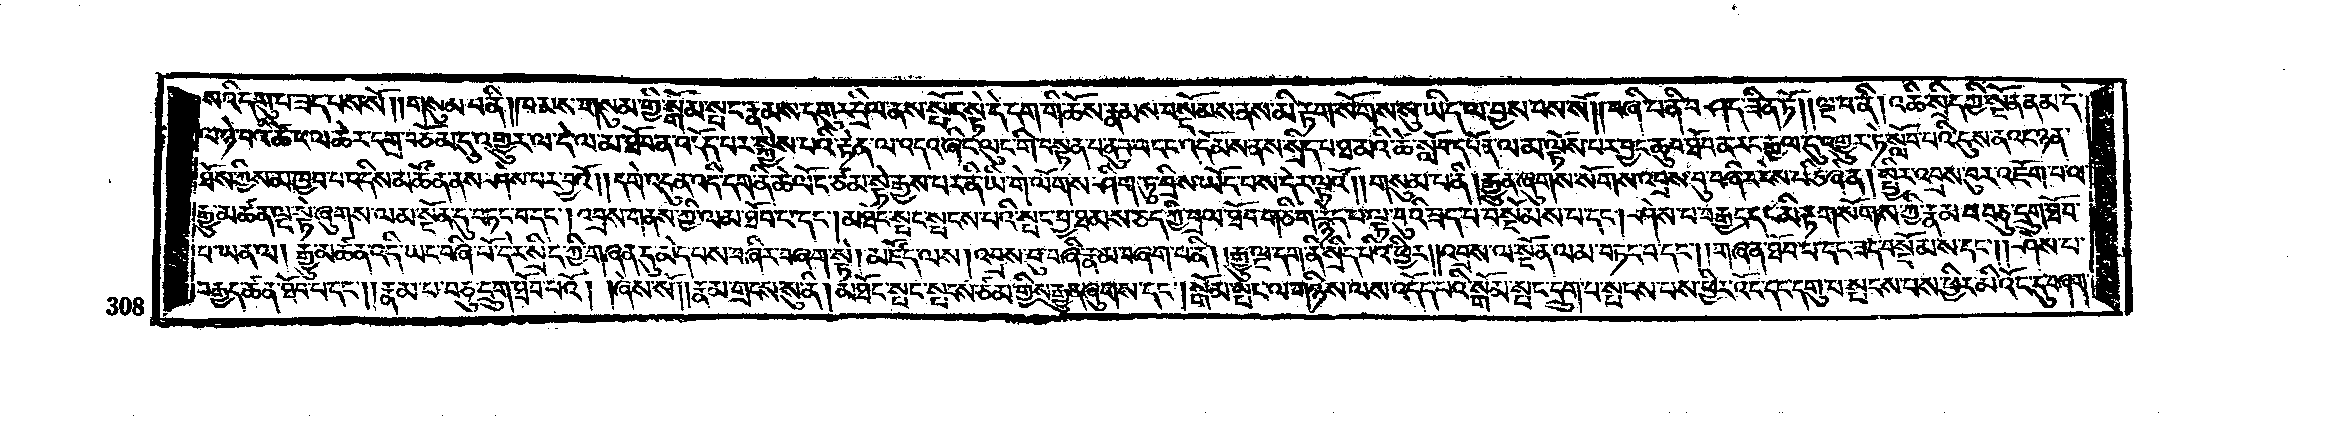སའི་དགུ་པ་ཟད་པས་སོ། །གསུམ་པ་ནི། ཁམས་གསུམ་གྱི་སྒོམ་སྤང་རྣམས་དགུར་དྲིལ་ནས་སྤོང་སྟེ་དེ་དག་གི་ཆོས་རྣམས་བསྡོམས་ནས་མི་རྟག་སོགས་སུ་ཡིད་ལ་བྱས་པས་སོ། །བཞི་པ་ནི་བཤད་ཟིན་ཏོ། །ལྔ་པ་ནི། འཆི་སྲིད་ཀྱི་སྔོན་ནམ་དེ་
ལ་ཉེ་བའི་ཚེ་ཕལ་ཆེར་དགྲ་བཅོམ་དུ་འགྱུར་ལ་དེ་ལ་མ་ཐོབ་ན་འདོད་པར་སྐྱེས་པའི་རྟེན་ལ་འདའ་ཞིང་ལུང་གི་བསྟན་པ་ནུབ་པ་དང་འདོམས་ནས་སྲིད་པ་ཐ་མའི་ཚེ་སློབ་དཔོན་ལ་མ་ལྟོས་པར་བྱང་ཆུབ་ཐོབ་ན་རང་རྒྱལ་དུ་འགྱུར་ཏེ་སློབ་པའི་དུས་ནའང་ཉན་
ཐོས་ཀྱིས་མ་ཁྱབ་པ་འདིས་མཚོན་ནས་ཤེས་པར་བྱའོ། །དགེ་འདུན་འདི་དག་ནི་ཆེ་ལོང་ཙམ་སྟེ་རྒྱས་པར་ནི་ཡི་གེ་ལོགས་ཤིག་ཏུ་བྲིས་ཡོད་པས་དེར་ལྟའོ། །གསུམ་པ་ནི། རྒྱུན་ཞུགས་སོགས་འབྲས་བུ་བཞིར་ངེས་པ་ཅི་ཞེ་ན། སྤྱིར་འབྲས་བུར་འཇོག་པ་ལ་
རྒྱུ་མཚན་ལྔ་སྟེ་ཞུགས་ལམ་སྔོན་དུ་བཏང་བ་དང་། འབྲས་གནས་ཀྱི་ལམ་ཐོབ་པ་དང་། མཐོང་སྤང་སྤངས་པའི་སྤང་བྱ་ཐམས་ཅད་ཀྱི་བྲལ་ཐོབ་གཅིག་རྙེད་པ་ལྟ་བུའི་ཟད་པ་བསྡོམས་པ་དང་། ཤེས་པ་བརྒྱད་དང་མི་རྟག་སོགས་ཀྱི་རྣམ་པ་བཅུ་དྲུག་ཐོབ་
པ་ཡིན་ལ། རྒྱུ་མཚན་འདི་ཡང་བཞི་པོ་དེར་སྲིད་ཀྱི་གཞན་དུ་མེད་པས་བཞིར་བཞག་སྟེ། མཛོད་ལས། འབྲས་བུ་བཞི་རྣམ་བཞག་པ་ནི། །རྒྱུ་ལྔ་དག་ནི་སྲིད་པའི་ཕྱིར། །འབྲས་ལ་སྔོན་ལམ་བཏང་བ་དང་། །གཞན་ཐོབ་པ་དང་ཟད་བསྡོམས་དང་། །ཤེས་པ་
བརྒྱད་ཚན་ཐོབ་པ་དང་། །རྣམ་པ་བཅུ་དྲུག་ཐོབ་པའོ། །ཞེས་སོ། །རྣམ་གྲངས་སུ་ནི། མཐོང་སྤང་སྤངས་ཙམ་གྱིས་རྒྱུན་ཞུགས་དང་། སྒོམ་སྤང་ལ་གཉིས་ལས་འདོད་པའི་སྒོམ་སྤང་དྲུག་པ་སྤངས་པས་ཕྱིར་འོང་དང་དགུ་པ་སྤངས་པས་ཕྱིར་མི་འོང་དུ་བཞག་